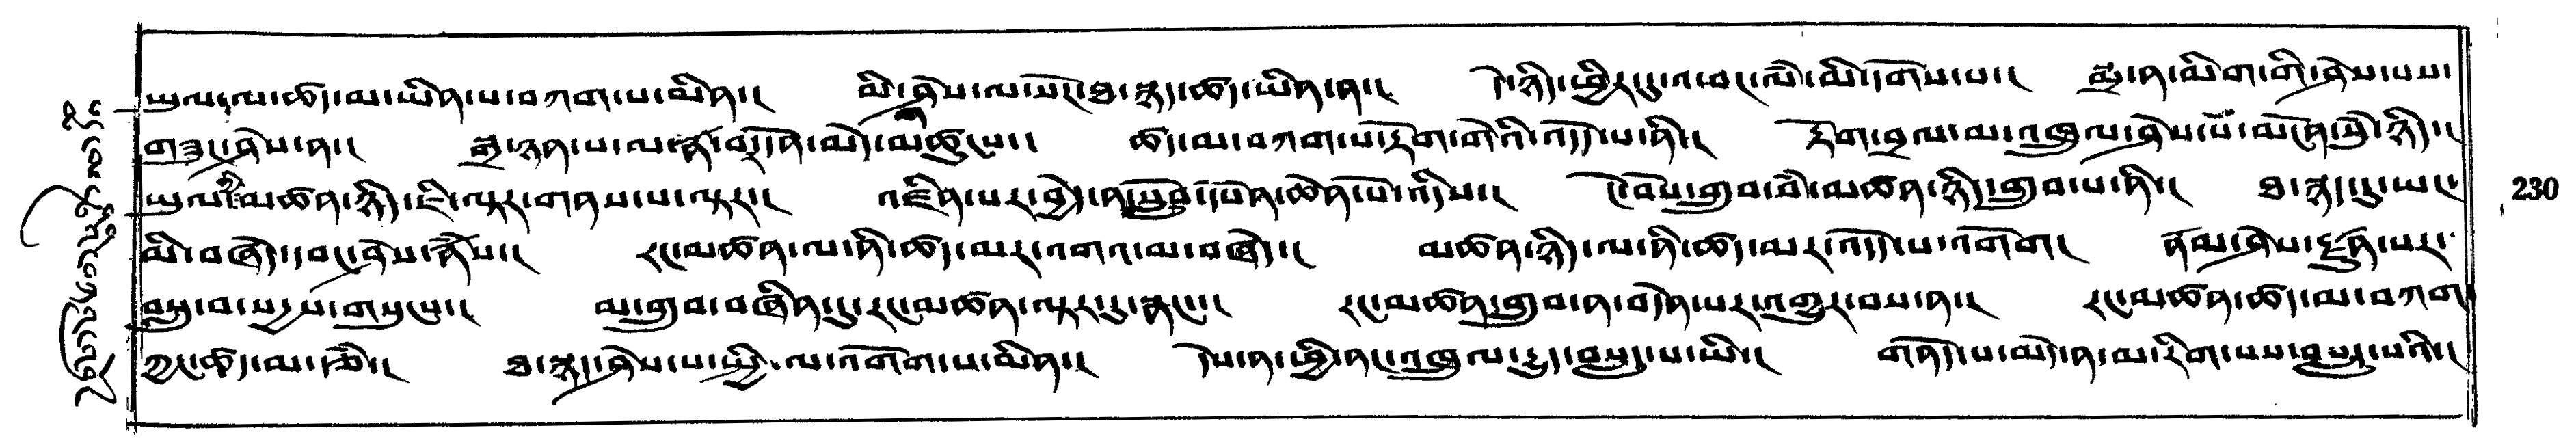།ཡུལ་ལ་ཚད་མ་ཡིན་པ་བཀག་པ་མིན། །མིག་ཤེས་ལ་སོགས་ཐ་སྙད་ཚད་ཡིན་ན། །དེ་ཉིད་ཕྱིར་དུ་འཕགས་ལམ་མི་དགོས་པ། །སྨྲ་ན་མིག་གི་ཤེས་པས་
གཟུགས་ཤེས་ན། །སྒྲ་ཉན་པ་ལ་རྣ་བར་དོན་མེད་མཚུངས། །ཚད་མ་བཀག་པ་རྟོག་གེའི་འདོད་པ་ནི། །རྟོག་བྲལ་མ་འཁྲུལ་ཤེས་པ་མངོན་སུམ་ཉིད། །
ཡུལ་གྱི་མཚན་ཉིད་ཇི་ལྟར་གནས་པ་ལྟར། །འཛིན་པར་བྱེད་ན་སློབ་དཔོན་ཆེན་པོ་འདིས། །ངོ་བོས་གྲུབ་བམ་མཚན་ཉིད་གྲུབ་པ་ནི། །ཐ་སྙད་དུ་ཡང་
མི་བཞེད་དབང་ཤེས་རྣམས། །རང་མཚན་ལ་ནི་ཚད་མར་འགའ་མ་བཞེད། །མཚན་ཉིད་ལ་ནི་ཚད་མར་འདོད་པ་འགོག །རྣམ་ཤེས་རྫུན་པ་
བསླུ་བར་སངས་རྒྱས་གསུངས། །མ་གྲུབ་བཞིན་དུ་རང་མཚན་ལྟར་དུ་སྣང་། །རང་མཚན་གྲུབ་ན་བདེན་པར་འགྱུར་བས་ན། །རང་མཚན་ཚད་མ་བཀག་
ཀྱང་ཚད་མ་ཙམ། །ཐ་སྙད་ཤེས་པ་སྤྱི་ལ་འགོག་པ་མིན། །དེས་ན་ཕྱི་ནང་འཁྲུལ་རྒྱུས་བསླད་པ་ཡི། །གནོད་པ་མེད་ན་མ་རིག་པས་བསླད་པའི།